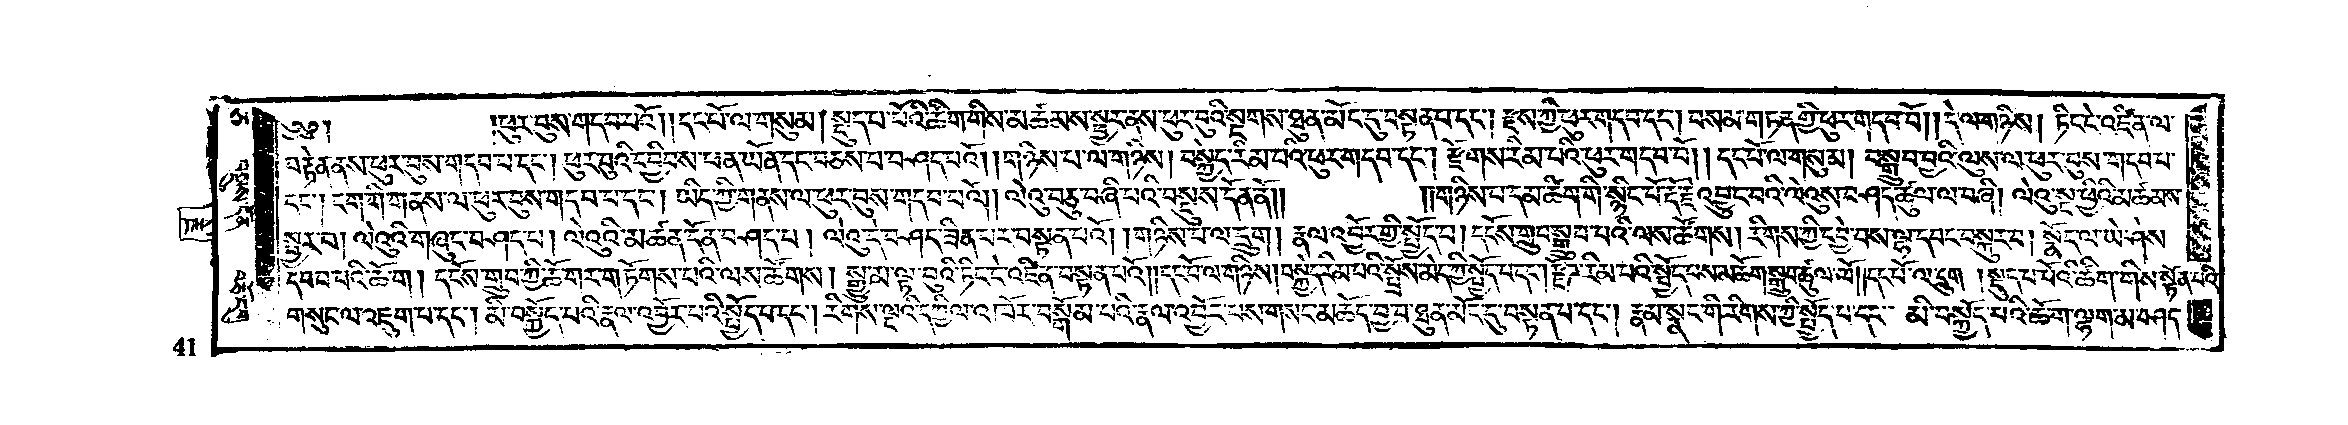༄༅། །ཕུར་བུས་གདབ་པའོ། །དང་པོ་ལ་གསུམ། སྡུད་པ་པོའི་ཚིག་གིས་མཚམས་སྦྱར་ནས་ཕུར་བུའི་སྔགས་ཐུན་མོང་དུ་བསྟན་པ་དང་། རྫས་ཀྱི་ཕུར་གདབ་དང་། བསམ་གཏན་གྱི་ཕུར་གདབ་བོ། །དེ་ལ་གཉིས། ཏིང་ངེ་འཛིན་ལ་
བརྟེན་ནས་ཕུར་བུས་གདབ་པ་དང་། ཕུར་བུའི་དབྱིབས་ཕན་ཡོན་དང་བཅས་པ་བཤད་པའོ། །གཉིས་པ་ལ་གཉིས། བསྐྱེད་རིམ་པའི་ཕུར་གདབ་དང་། རྫོགས་རིམ་པའི་ཕུར་གདབ་བོ། །དང་པོ་ལ་གསུམ། བསྒྲུབ་བྱའི་ལུས་ལ་ཕུར་བུས་གདབ་པ་
དང་། ངག་གི་གནས་ལ་ཕུར་བུས་གདབ་པ་དང་། ཡིད་ཀྱི་གནས་ལ་ཕུར་བུས་གདབ་པའོ། །ལེའུ་བཅུ་བཞི་པའི་བསྡུས་དོན་ནོ།། །།གཉིས་པ་དམ་ཚིག་གི་སྙིང་པོ་རྡོ་རྗེ་འབྱུང་བའི་ལེའུས་བཤད་ཚུལ་ལ་བཞི། ལེའུ་སྔ་ཕྱིའི་མཚམས་
སྦྱར་བ། ལེའུའི་གཞུང་བཤད་པ། ལེའུའི་མཚན་དོན་བཤད་པ། ལེའུ་དེ་བཤད་ཟིན་པར་བསྟན་པའོ། །གཉིས་པ་ལ་དྲུག །རྣལ་འབྱོར་གྱི་སྤྱོད་པ། དངོས་གྲུབ་སྒྲུབ་པའི་ལས་ཚོགས། རིགས་ཀྱི་དབྱེ་བས་ལྷ་དབང་བསྐུར་བ། སྣོད་ལ་ཡེ་ཤེས་
དབབ་པའི་ཆོ་ག །དངོས་གྲུབ་ཀྱི་ཆོ་གར་གཏོགས་པའི་ལས་ཚོགས། སྒྱུ་མ་ལྟ་བུའི་ཏིང་ངེ་འཛིན་བསྟན་པའོ། །དང་པོ་ལ་གཉིས། བསྐྱེད་རིམ་པའི་སྤྲོས་མེད་ཀྱི་སྤྱོད་པ་དང་། རྫོགས་རིམ་པའི་སྤྱོད་པས་མཆོག་སྒྲུབ་ཚུལ་ལོ། །དང་པོ་ལ་དྲུག །སྡུད་པ་པོའི་ཚིག་གིས་སྟོན་པའི་
གསུང་ལ་འཇུག་པ་དང་། མི་བསྐྱོད་པའི་རྣལ་འབྱོར་པའི་སྤྱོད་པ་དང་། རིགས་ལྔའི་དཀྱིལ་འཁོར་བསྒོམ་པའི་རྣལ་འབྱོར་པས་གསང་མཆོད་བྱ་བ་ཐུན་མོང་དུ་བསྟན་པ་དང་། རྣམ་སྣང་གི་རིགས་ཀྱི་སྤྱོད་པ་དང་མི་བསྐྱོད་པའི་ཆོ་ག་ལྷག་མ་བཤད་